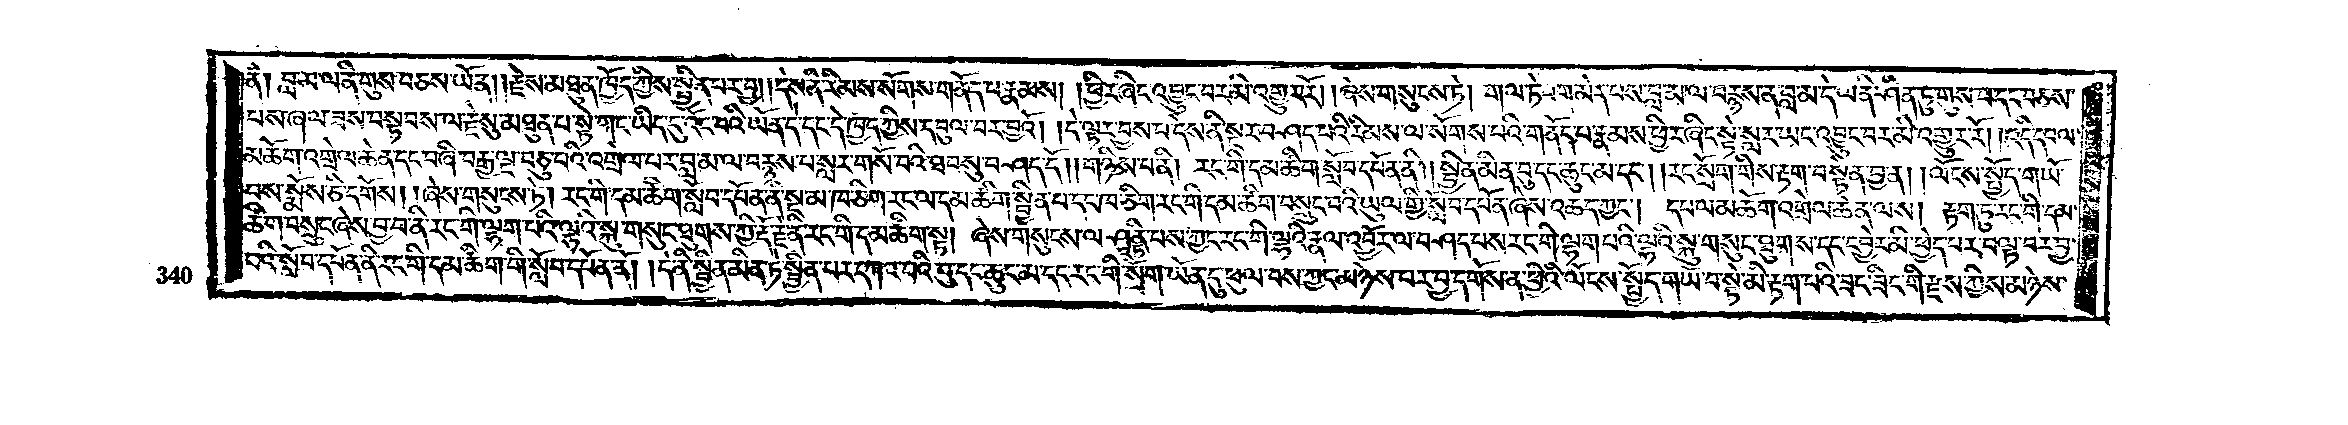ནི། བླ་མ་ལ་ནི་གུས་བཅས་ཡོན། །རྗེས་མཐུན་ཁྱོད་ཀྱིས་སྦྱིན་པར་བྱ། །དེས་ནི་རིམས་སོགས་གནོད་པ་རྣམས། །ཕྱིར་ཞིང་འབྱུང་བར་མི་འགྱུར་རོ། །ཞེས་གསུངས་ཏེ། གལ་ཏེ་བག་མེད་པས་བླ་མ་ལ་བརྙས་ན་བླ་མ་དེ་ལ་ནི་ཤིན་ཏུ་གུས་པ་དང་བཅས་
པས་ཞལ་ཟས་བསྟབས་ལ་རྗེས་སུ་མཐུན་པ་སྟེ་གང་ཡིད་དུ་འོང་བའི་ཡོན་དེ་དང་དེ་ཁྱོད་ཀྱིས་དབུལ་བར་བྱའོ། །དེ་ལྟར་བྱས་པ་དེས་ནི་སྔར་བཤད་པའི་རིམས་ལ་སོགས་པའི་གནོད་པ་རྣམས་ཕྱིར་ཞིང་སྟེ་སླར་ཡང་འབྱུང་བར་མི་འགྱུར་རོ། །འདི་དཔལ་
མཆོག་འགྲེལ་ཆེན་དང་བཞི་བརྒྱ་ལྔ་བཅུ་པའི་འགྲེལ་པར་བླ་མ་ལ་བརྙས་པ་སླར་གསོ་བའི་ཐབས་སུ་བཤད་དོ། །གཉིས་པ་ནི། རང་གི་དམ་ཚིག་སློབ་དཔོན་ནི། །སྦྱིན་མིན་བུ་དང་ཆུང་མ་དང་། །རང་སྲོག་གིས་རྟག་བསྟེན་བྱ་ན། །ལོངས་སྤྱོད་གཡོ་
བས་སྨོས་ཅི་དགོས། །ཞེས་གསུངས་ཏེ། རང་གི་དམ་ཚིག་སློབ་དཔོན་ནི་སྔ་མ་ཁ་ཅིག་རང་ལ་དམ་ཚིག་སྦྱིན་པ་དང་ཁ་ཅིག་རང་གི་དམ་ཚིག་བསྲུང་བའི་ཡུལ་གྱི་སློབ་དཔོན་ཞེས་འཆད་ཀྱང་། དཔལ་མཆོག་འགྲེལ་ཆེན་ལས། རྟག་ཏུ་རང་གི་དམ་
ཚིག་བསྲུང་ཞེས་བྱ་བ་ནི་རང་གི་ལྷག་པའི་ལྷའི་སྐུ་གསུང་ཐུགས་ཀྱི་རྡོ་རྗེ་ནི་རང་གི་དམ་ཚིག་སྟ། ཞེས་གསུངས་ལ་ཤཱནྟི་པས་ཀྱང་རང་གི་ལྷའི་རྣལ་འབྱོར་ལ་བཤད་པས་རང་གི་ལྷག་པའི་ལྷའི་སྐུ་གསུང་ཐུགས་དང་དབྱེར་མི་ཕྱེད་པར་བལྟ་བར་བྱ་
བའི་སློབ་དཔོན་ནི་རང་གི་དམ་ཚིག་གི་སློབ་དཔོན་ནོ། །དེ་ནི་སྦྱིན་མིན་ཏེ་སྦྱིན་པར་དཀའ་བའི་བུ་དང་ཆུང་མ་དང་རང་གི་སྲོག་ཡོན་དུ་ཕུལ་བས་ཀྱང་མཉེས་པར་བྱ་དགོས་ན་ཕྱིའི་ལོངས་སྤྱོད་གཡོ་བ་སྟེ་མི་རྟག་པའི་ཟང་ཟིང་གི་རྫས་ཀྱིས་མཉེས་